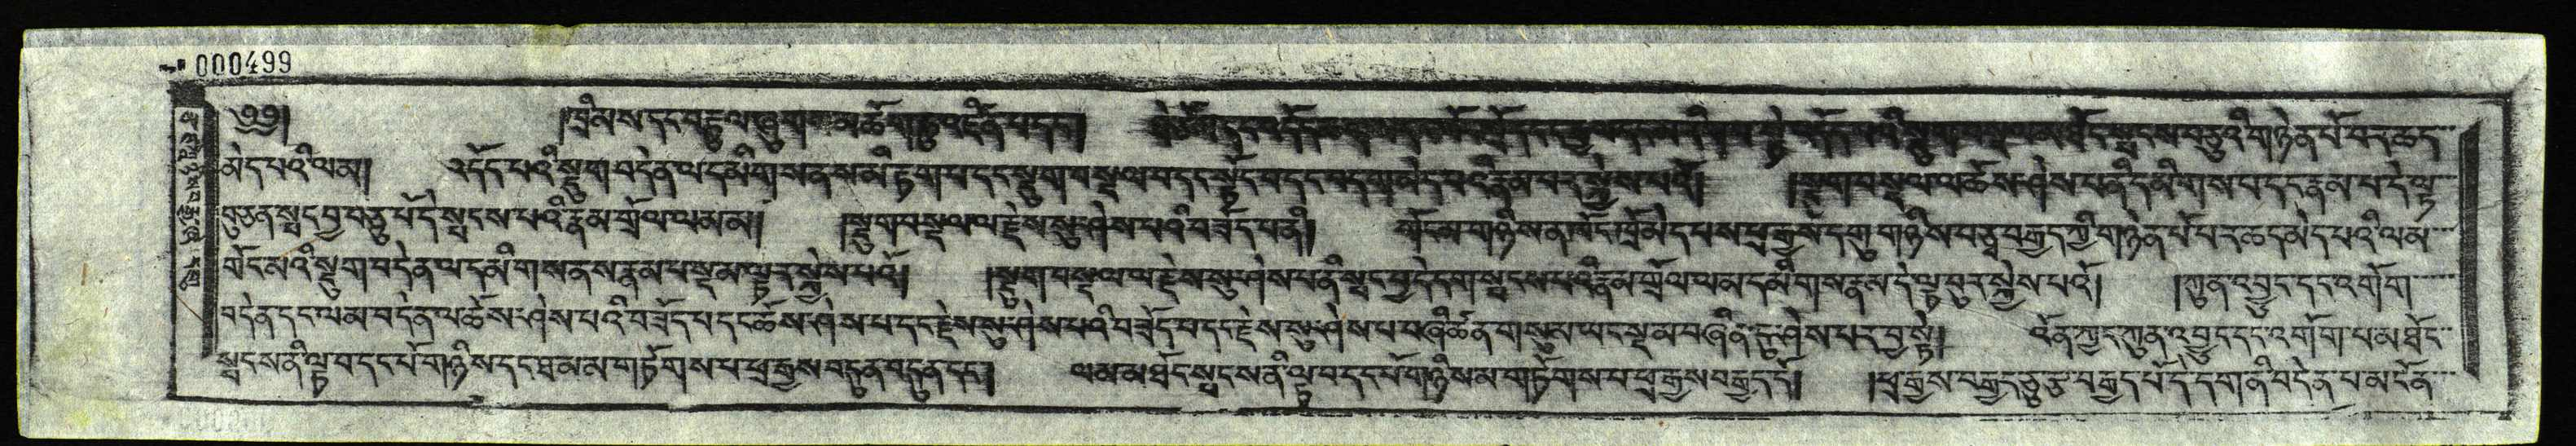༄༅། །ཁྲིམས་དང་བརྟུལ་ཞུགས་མཆོག་ཏུ་འཛིན་པ་དང་། ཐེ་ཙོམ་དང་འདོད་ཆགས་དང་ཁོང་ཁྲོ་དང་ང་རྒྱལ་དང་མ་རིགས་སྟེ་འདོད་པའི་སྡུག་བསྔལ་མཐོང་སྤངས་བཅུའི་གཉེན་པོ་བར་ཆད་
མེད་པའི་ལམ། འདོད་པའི་སྡུག་བདེན་ལ་དམིགས་ནས་མི་རྟག་པ་དང་སྡུག་བསྔལ་བ་དང་སྟོང་པ་དང་བདག་མེད་པའི་རྣམ་པར་སྐྱེས་པའོ། །སྡུག་བསྔལ་ལ་ཆོས་ཤེས་པ་ནི་དམིགས་པ་དང་རྣམ་པ་དེ་ལྟ་
བུ་ཅན་སྤང་བྱ་བཅུ་པོ་དེ་སྤངས་པའི་རྣམ་གྲོལ་ལམ་མ། །སྡུག་བསྔལ་ལ་རྗེས་སུ་ཤེས་པའི་བཟོད་པ་ནི། གོང་མ་གཉིས་ན་ཁོང་ཁྲོ་མེད་པས་ཕྲ་རྒྱས་དགུ་གཉིས་བཅྭ་བརྒྱད་ཀྱི་གཉེན་པོ་བར་ཆད་མེད་པའི་ལམ་
གོང་མའི་སྡུག་བདེན་ལ་དམིགས་ནས་རྣམ་པ་སྔ་མ་ལྟར་སྐྱེས་པའོ། །སྡུག་བསྔལ་ལ་རྗེས་སུ་ཤེས་པ་ནི་སྤང་བྱ་དེ་དག་སྤངས་པའི་རྣམ་གྲོལ་ལ་མ་དམིགས་རྣམ་དེ་ལྟ་བུར་སྐྱེས་པའོ། །ཀུན་འབྱུང་དང་འགོག་
བདེན་དང་ལམ་བདེན་ལ་ཆོས་ཤེས་པའི་བཟོད་པ་དང་ཆོས་ཤེས་པ་དང་རྗེས་སུ་ཤེས་པའི་བཟོད་པ་དང་རྗེས་སུ་ཤེས་པ་བཞི་ཚན་གསུམ་ཡང་སྔ་མ་བཞིན་དུ་ཤེས་པར་བྱ་སྟེ། འོན་ཀྱང་ཀུན་འབྱུང་དང་འགོག་པ་མཐོང་
སྤངས་ནི་ལྟ་བ་དང་པོ་གཉིས་དང་ཐ་མ་མ་གཏོགས་པ་ཕྲ་རྒྱས་བདུན་བདུན་དང་། ལམ་མཐོང་སྤངས་ནི་ལྟ་བ་དང་པོ་གཉིས་མ་གཏོགས་པ་ཕྲ་རྒྱས་བརྒྱད་དོ། །ཕྲ་རྒྱས་བརྒྱད་ཅུ་རྩ་བརྒྱད་པོ་དེ་དག་ནི་བདེན་པ་མངོན་